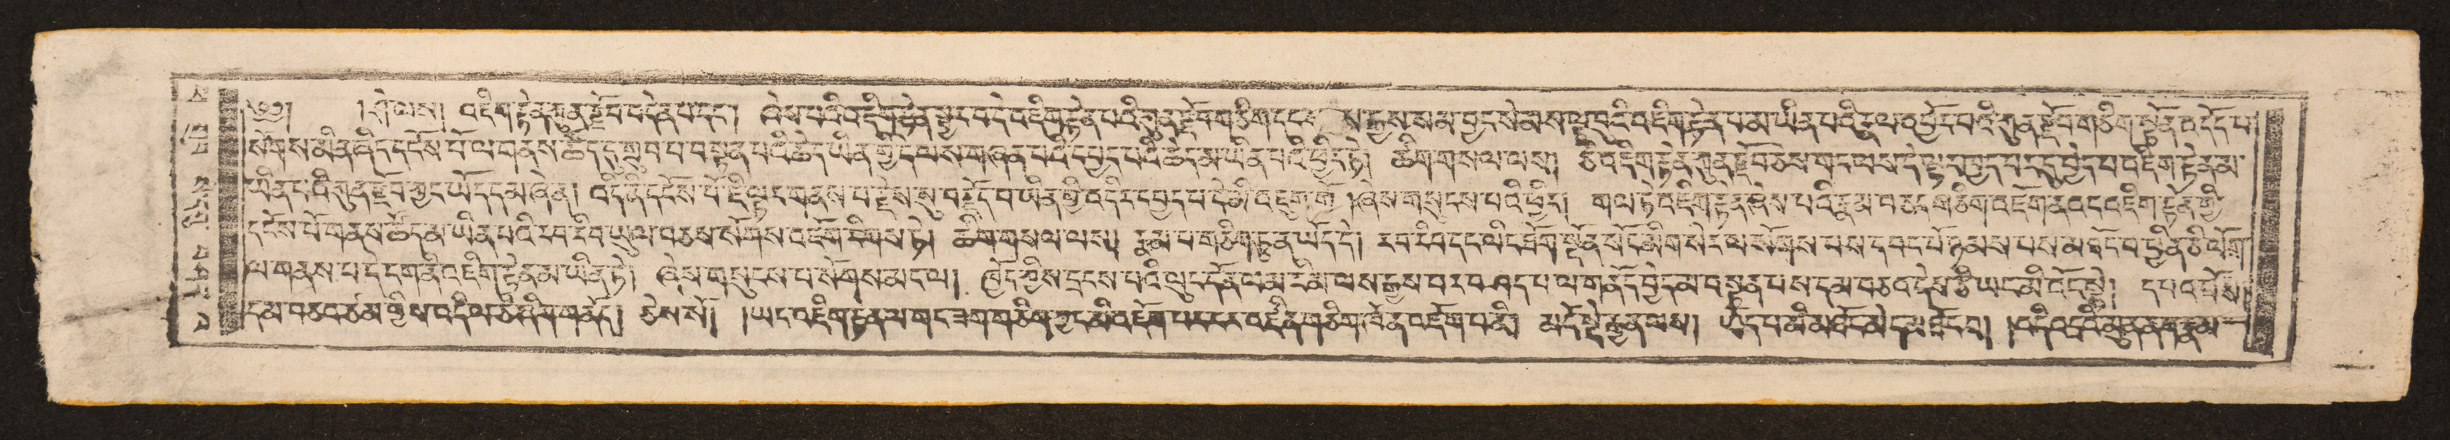༄༅། །ཤེ་ལས། འཇིག་རྟེན་ཀུན་རྫོབ་བདེན་པ་དང་། ཞེས་པའི་འཇིག་རྟེན་སྦྱང་འདེ་འཇིག་རྟེན་པའི་ཀུན་རྫོབ་གཅིག་དང་སངས་རྒྱས་སམ་བྱང་སེམས་ལྟ་བུའི་འཇིག་རྟེན་པ་མ་ཡིན་པའི་རྣལ་འབྱོར་པའི་ཀུན་རྫོབ་གཅིག་སྟོན་འདོད་པ་
སོགས་མིན་ཤིང་དངོས་པོ་ལ་གནས་ཚོད་དུ་གྲུབ་པ་བསྟན་བའི་ཆེད་ཡིན་གྱི་དེ་ལས་གཞན་པའི་དཔྱད་པའི་ཆེད་མ་ཡིན་པའི་ཕྱིར་ཏེ། ཚིག་གསལ་ལས། ཅི་འཇིག་རྟེན་ཀུན་རྫོབ་ཅེས་གང་ལས་དེ་ལྟར་ཁྱད་པར་དུ་བྱེད་པ་འཇིག་རྟེན་མ་
ཡིན་པའི་ཀུན་རྫོབ་ཀྱང་ཡོད་དམ་ཞེ་ན། འདི་ནི་དངོས་པོ་ཇི་ལྟར་གནས་པ་རྗེས་སུ་བརྗོད་པ་ཡིན་གྱི་འདིར་དབྱད་པ་དེ་མི་འཇུག་གོ །ཞེས་གསུངས་པའི་ཕྱིར། གལ་ཏེ་འཇིག་རྟེན་ཞེས་པའི་རྣམ་བཅད་གཅིག་འཇོག་ནའང་འཇིག་རྟེན་གྱི་
དངོས་པོ་གནས་ཚོད་མ་ཡིན་པའི་རབ་རིབ་ཡུལ་བཅས་སོགས་འཇོག་རིགས་ཏེ། ཚིག་གསལ་ལས། རྣམ་པ་གཅིག་ཏུ་ན་ཡོད་དེ། རབ་རིབ་དང་ལིང་ཐོག་སྔོན་སོང་མིག་སེར་ལ་སོགས་པས་དབང་པོ་ཉམས་པས་མཐོང་བ་ཕྱིན་ཅི་ལོག་
ལ་གནས་པ་དེ་དག་ནི་འཇིག་རྟེན་མ་ཡིན་ཏེ། ཞེས་གསུངས་པ་སོགས་མང་ལ། ཁྱོད་ཀྱིས་དྲངས་པའི་ལུང་དོན་ལམ་རིམ་ལས་རྒྱས་པར་བཤད་པ་ལ་གནོད་བྱེད་མ་བསྟན་བས་དམ་བཅའ་དེས་ཅི་ཡང་མི་འོང་སྟེ། དཔའ་པོས་
དམ་བཅའ་ཙམ་གྱིས་འདི་ལ་ཅི་ཞིག་གནོད། ཅེས་སོ། །ཡང་འཇིག་རྟེན་ལ་གང་ཟག་གཅིག་ཀྱང་མི་འཇོག་པར་ངར་འཛིན་གཅིག་ཁོ་ན་འཇོག་པ་ནི། མདོ་སྡེ་རྒྱན་ལས། ཡོད་པ་མི་མཐོང་མེད་མཐོང་བ། །འདི་འདྲའི་མུན་ནག་རྣམ་